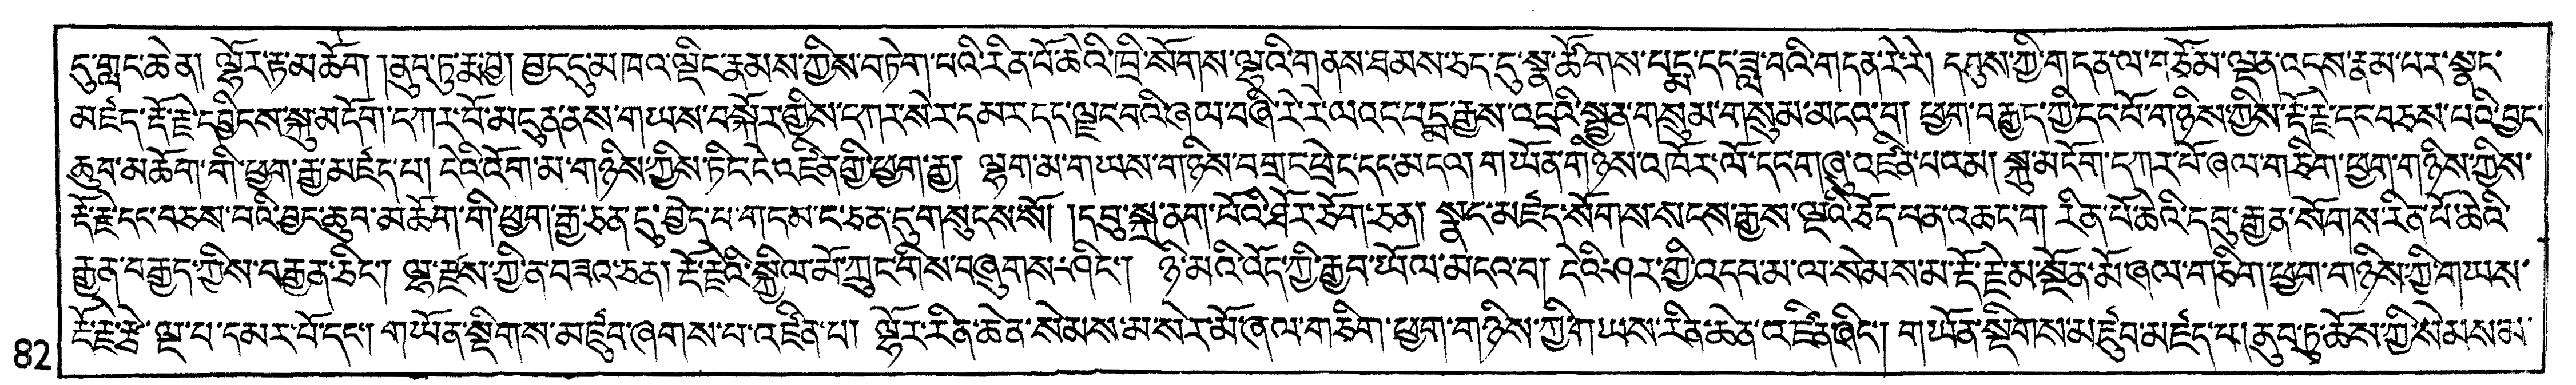དུ་གླང་ཆེན། ལྷོར་རྟ་མཆོག །ནུབ་ཏུ་རྨ་བྱ། བྱང་དུ་མཁའ་ལྡིང་རྣམས་ཀྱིས་བཏེག་པའི་རིན་པོ་ཆེའི་ཁྲི་སོགས་ལྷའི་གནས་ཐམས་ཅད་དུ་སྣ་ཚོགས་པདམ་དང་ཟླ་བའི་གདན་རེ་རེ། དབུས་ཀྱི་གདན་ལ་བཅོམ་ལྡན་འདས་རྣམ་པར་སྣང་
མཛད་རྡོ་རྗེ་དབྱིངས་སྐུ་མདོག་དཀར་པོ་མདུན་ནས་གཡས་བསྐོར་གྱིས་དཀར་སེར་དམར་དང་ལྗང་བའི་ཞལ་བཞི་རེ་རེ་ལའང་པདམ་རྒྱས་འདྲའི་སྤྱན་གསུམ་གསུམ་མངའ་བ། ཕྱག་བརྒྱད་ཀྱི་དང་པོ་གཉིས་ཀྱིས་རྡོ་རྗེ་དང་བཅས་པའི་བྱང་
ཆུབ་མཆོག་གི་ཕྱག་རྒྱ་མཛད་པ། དེའི་འོག་མ་གཉིས་ཀྱིས་ཏིང་ངེ་འཛིན་གྱི་ཕྱག་རྒྱ། ལྷག་མ་གཡས་གཉིས་བགྲང་ཕྲེང་དང་མདའ། གཡོན་གཉིས་འཁོར་ལོ་དང་གཞུ་འཛིན་པའམ། སྐུ་མདོག་དཀར་པོ་ཞལ་གཅིག་ཕྱག་གཉིས་ཀྱིས་
རྡོ་རྗེ་དང་བཅས་པའི་བྱང་ཆུབ་མཆོག་གི་ཕྱག་རྒྱ་ཅན་དུ་བྱེད་པ་གདམ་ང་ཅན་དུ་གསུངས་སོ། །དབུ་སྐྲ་ནག་པོའི་ཐོར་ཅོག་ཅན། སྣང་མཛད་སོགས་སངས་རྒྱས་ལྔའི་ཅོད་པན་འཆང་བ། རིན་པོ་ཆེའི་དབུ་རྒྱན་སོགས་རིན་པོ་ཆེའི་
རྒྱན་བརྒྱད་ཀྱིས་བརྒྱན་ཅིང་། ལྷ་རྫས་ཀྱི་ན་བཟའ་ཅན། རྡོ་རྗེའི་སྐྱིལ་མོ་ཀྲུང་གིས་བཞུགས་ཤིང་། ཉི་མའི་འོད་ཀྱི་རྒྱབ་ཡོལ་མངའ་བ། དེའི་ཤར་གྱི་འདབ་མ་ལ་སེམས་མ་རྡོ་རྗེ་མ་སྔོན་མོ་ཞལ་གཅིག་ཕྱག་གཉིས་ཀྱི་གཡས་
རྡོ་རྗེ་རྩེ་ལྔ་པ་དམར་པོ་དང་། གཡོན་སྡིགས་མཛུབ་ཞགས་པ་འཛིན་པ། ལྷོར་རིན་ཆེན་སེམས་མ་སེར་མོ་ཞལ་གཅིག་ཕྱག་གཉིས་ཀྱི་གཡས་རིན་ཆེན་འཛིན་ཞིང་། གཡོན་སྡིགས་མཛུབ་མཛད་པ། ནུབ་ཏུ་ཆོས་ཀྱི་སེམས་མ་